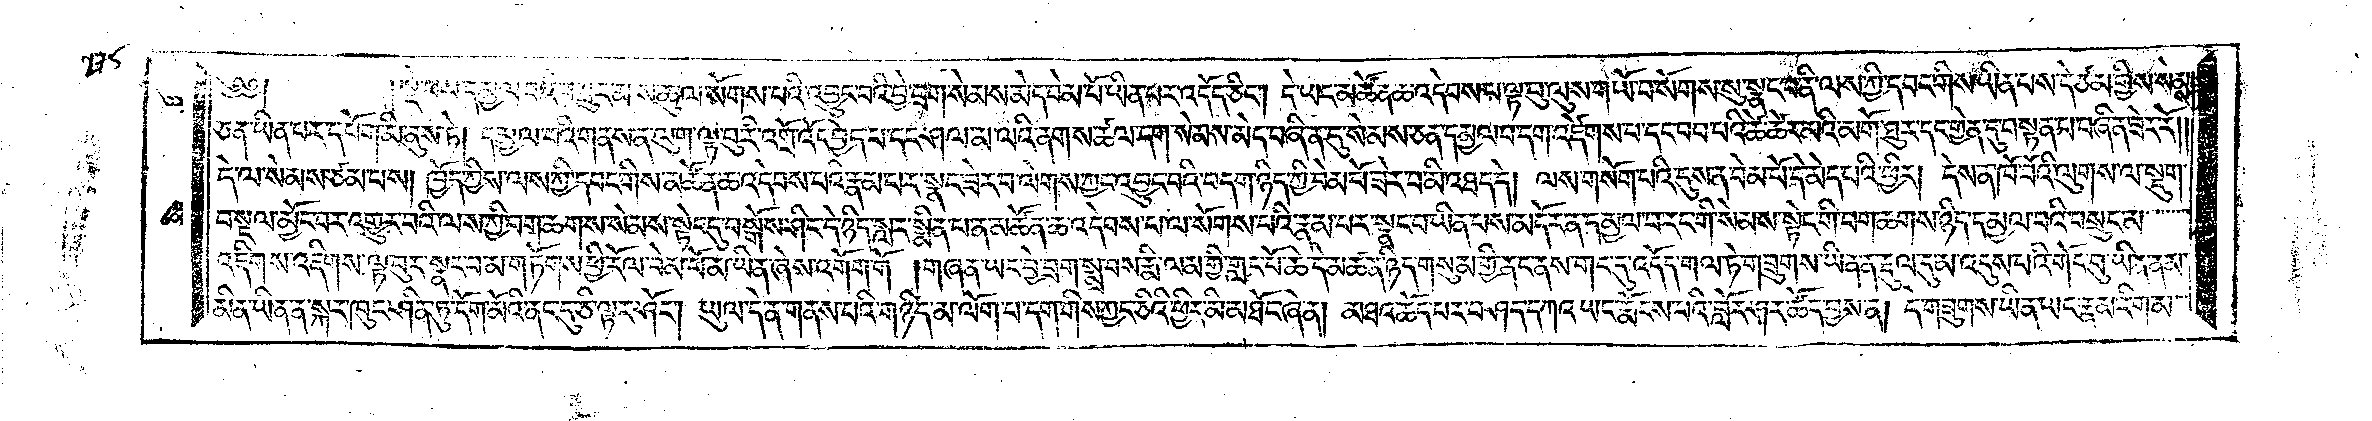༄༅། །སྡེ་པས་དམྱལ་བའི་བསྲུང་མས་ཆུ་ལ་སོགས་པའི་འབྱུང་བའི་བྱེ་བྲག་སེམས་མེད་བེམ་པོ་ཡིན་པར་འདོད་ཅིང་། དེ་ཡང་མཚོན་ཆ་འདེབས་པ་ལྟ་བུ་ལུས་གཡོ་བ་སོགས་སུ་སྣང་བ་ནི་ལས་ཀྱི་དབང་གིས་ཡིན་པས་དེ་ཙམ་གྱིས་སེམས་
ཅན་ཡིན་པར་དཔོག་མི་ནུས་ཏེ། དམྱལ་བའི་གནས་ན་ལུག་ལྟ་བུ་རི་འགྲོ་འོང་བྱེད་པ་དང་ཤལ་མ་ལའི་ནགས་ཚལ་དག་སེམས་མེད་བཞིན་དུ་སེམས་ཅན་དམྱལ་བ་དག་འཛེགས་པ་དང་བབ་པའི་ཚེ་ཚེར་མའི་མགོ་ཐུར་དང་གྱེན་དུ་བསྟན་པ་བཞིན་ཟེར་རོ།།
དེ་ལ་སེམས་ཙམ་པས། ཁྱོད་ཀྱིས་ལས་ཀྱི་དབང་གིས་མཚོན་ཆ་འདེབས་པའི་རྣམ་པར་སྣང་ཟེར་བ་ལེགས་ཀྱང་འབྱུང་བའི་བདག་ཉིད་ཀྱི་བེམ་པོ་ཟེར་བ་མི་འཐད་དེ། ལས་གསོག་པའི་དུས་ན་བེམ་པོ་དེ་མེད་པའི་ཕྱིར། དེས་ན་ཁོ་བོའི་ལུགས་ལ་སྡུག་
བསྔལ་མྱོང་བར་འགྱུར་བའི་ལས་ཀྱི་བག་ཆགས་སེམས་སྟེང་དུ་བསྒོས་ཤིང་དེ་ཉིད་སླར་སྨིན་པ་ན་མཚོན་ཆ་འདེབས་པ་ལ་སོགས་པའི་རྣམ་པར་སྣང་བ་ཡིན་པས་མདོར་ན་དམྱལ་བ་རང་གི་སེམས་སྟེང་གི་བག་ཆགས་ཉིད་དམྱལ་བའི་བསྲུང་མ་
འཇིགས་འཇིགས་ལྟ་བུར་སྣང་བ་མ་གཏོགས་ཕྱི་རོལ་བེམ་པོ་མ་ཡིན་ཞེས་འགོག་གོ །གཞན་ཡང་བྱེ་བྲག་སྨྲ་བས་རྨི་ལམ་གྱི་གླང་པོ་ཆེ་དེ་མཚན་ཉིད་གསུམ་གྱི་ནང་ནས་གང་དུ་འདོད་གལ་ཏེ་གཟུགས་ཡིན་ན་རྡུལ་དུ་མ་འདུས་པའི་གོང་བུ་ཡིན་ནམ་
མིན་ཡིན་ན་སྐར་ཁུང་ཤིན་ཏུ་དོག་མོའི་ནང་དུ་ཅི་ལྟར་ཤོང་། ཡུལ་དེ་ན་གནས་པའི་གཉིད་མ་ལོག་པ་དག་གིས་ཀྱང་ཅིའི་ཕྱིར་མི་མཐོང་ཞེ་ན། མཐའ་ཆོད་པར་བཤད་དཀའ་ཡང་རྨོངས་པའི་བློར་ཤར་ཚོད་བྱས་ན། དེ་གཟུགས་ཡིན་ཡང་རྣམ་རིག་མ་